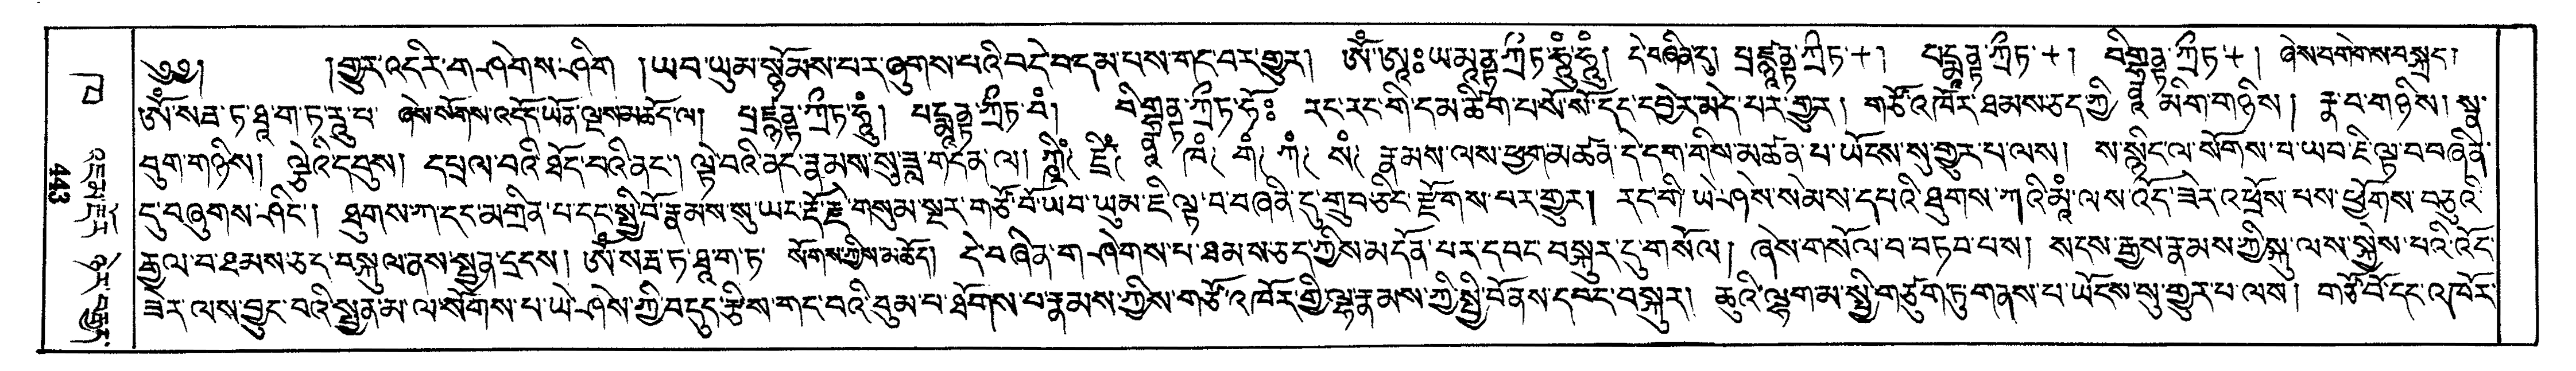༄༅། །གྱུར་འདིར་གཤེགས་ཤིག །ཡབ་ཡུམ་སྙོམས་པར་ཞུགས་པའི་བདེ་བ་དམ་པས་གང་བར་གྱུར། ཨོཾ་ཨཱཿ ཡ་མཱནྟ་ཀྲྀཏ་ཧཱུཾ་ཧཱུཾ། དེ་བཞིན་དུ། པྲཛྙཱནཏ་ཀྲྀཏ་+། པདམཱནྟ་ཀྲྀཏ་+། བིགྷྣཱནྟ་ཀྲྀཏ་+། ཞེས་བགེགས་བསྐྲད།
ཨོཾ་སརྦ་ཏ་ཐཱ་ག་ཏ་རཱུ་པ་ཞེས་སོགས་འདོད་ཡོན་ལྔས་མཆོད་ལ། པྲཛྙཱནྟ་ཀྲྀཏ་ཧཱུཾ། པདམཱནྟ་ཀྲྀཏ་བཾ། བིགྷྣཱནྟ་ཀྲྀཏ་ཧོཿ རང་རང་གི་དམ་ཚིག་པ་སོ་སོ་དང་དབྱེར་མེད་པར་གྱུར། གཙོ་འཁོར་ཐམས་ཅད་ཀྱི་མིག་གཉིས། རྣ་བ་གཉིས། སྣ་
བུག་གཉིས། ལྕེའི་དབུས། དཔྲལ་བའི་ཐོད་པའི་ནང་། ལྟེ་བའི་ནང་རྣམས་སུ་ཟླ་གདན་ལ། ཀིཥཾ༑ ཛྲིཾ༑ ཁཾ༑ གཾ༑ ཀཾ༑ སཾ༑ རྣམས་ལས་ཕྱག་མཚན་དེ་དག་གིས་མཚན་པ་ཡོངས་སུ་གྱུར་པ་ལས། ས་སྙིང་ལ་སོགས་པ་ཡབ་ཇི་ལྟ་བ་བཞིན་
དུ་བཞུགས་ཤིང་། ཐུགས་ཀ་དང་མགྲིན་པ་དང་སྤྱི་བོ་རྣམས་སུ་ཡང་རྡོ་རྗེ་གསུམ་སྔར་གཙོ་བོ་ཡབ་ཡུམ་ཇི་ལྟ་བ་བཞིན་དུ་གྲུབ་ཅིང་རྫོགས་པར་གྱུར། རང་གི་ཡེ་ཤེས་སེམས་དཔའི་ཐུགས་ཀའི་མཱཾ་ལས་འོད་ཟེར་འཕྲོས་པས་ཕྱོགས་བཅུའི་
རྒྱལ་བ་ཐམས་ཅད་བསྐུལ་ནས་སྤྱན་དྲངས། ཨོཾ་སརྦ་ཏ་ཐཱ་ག་ཏ་སོགས་ཀྱིས་མཆོད། དེ་བཞིན་གཤེགས་པ་ཐམས་ཅད་ཀྱིས་མངོན་པར་དབང་བསྐུར་དུ་གསོལ། ཞེས་གསོལ་བ་བཏབ་པས། སངས་རྒྱས་རྣམས་ཀྱི་སྐུ་ལས་སྐྱེས་པའི་འོད་
ཟེར་ལས་བྱུང་བའི་སྤྱན་མ་ལ་སོགས་པ་ཡེ་ཤེས་ཀྱི་བདུད་རྩིས་གང་བའི་བུམ་པ་ཐོགས་པ་རྣམས་ཀྱིས་གཙོ་འཁོར་གྱི་ལྷ་རྣམས་ཀྱི་སྤྱི་བོ་ནས་དབང་བསྐུར། ཆུའི་ལྷག་མ་སྤྱི་གཙུག་ཏུ་གནས་པ་ཡོངས་སུ་གྱུར་པ་ལས། གཙོ་བོ་དང་འཁོར་